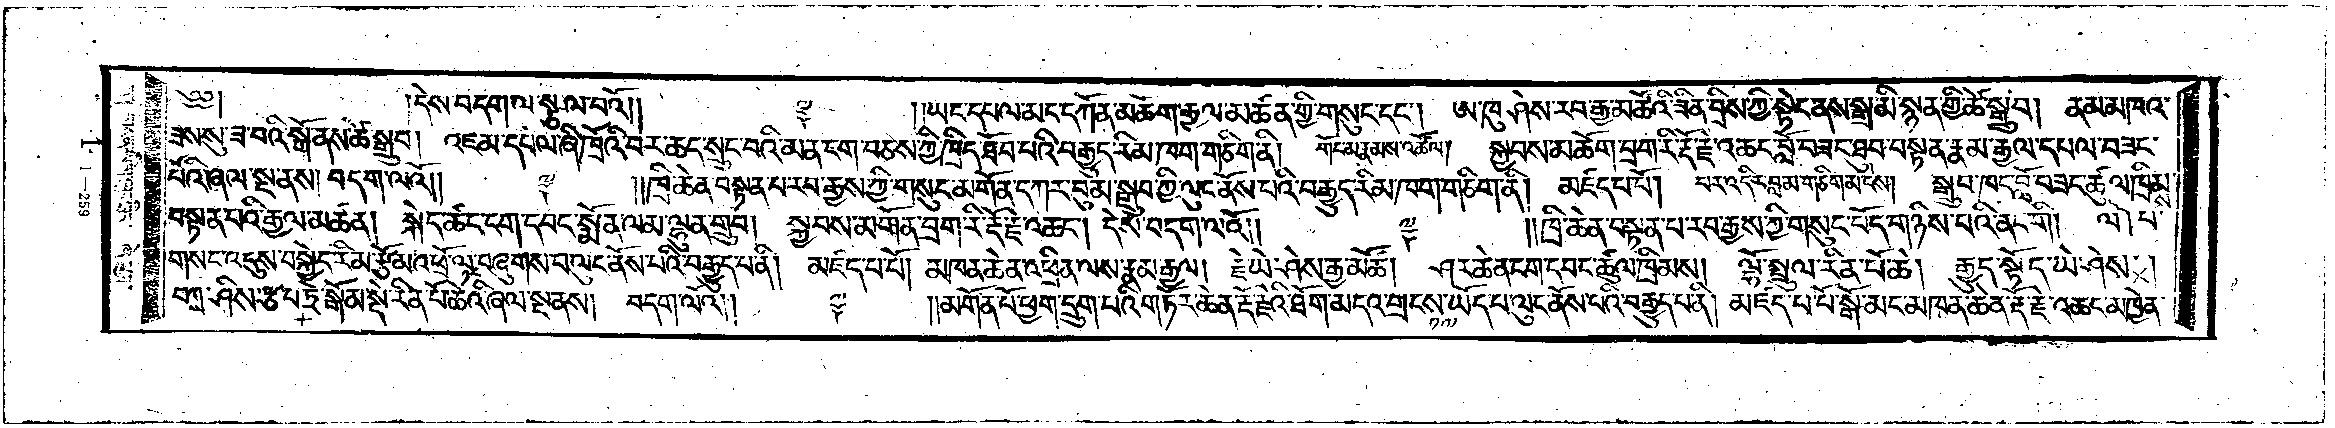༄༅། །དེས་བདག་ལ་སྩལ་བའོ།། འ་།།ཡང་དཔལ་མང་དཀོན་མཆོག་རྒྱལ་མཚན་གྱི་གསུང་དང་། ཨ་ཁུ་ཤེས་རབ་རྒྱ་མཚོའི་ཟིན་བྲིས་ཀྱི་སྟེང་ནས་སྒྲ་མི་སྙན་གྱི་ཚེ་སྒྲུབ། ནམ་མཁའ་
ཟས་སུ་ཟ་བའི་སྒོ་ནས་ཚེ་སྒྲུབ། འཇམ་དཔལ་ཞི་ཁྲོའི་བར་ཆད་སྲུང་བའི་མན་ངག་བཅས་ཀྱི་ཁྲིད་ཐོབ་པའི་བརྒྱུད་རིམ་ཁག་གཅིག་ནི། གོང་མ་རྣམས་འཚོལ།  སྐྱབས་མཆོག་བྲག་རི་རྡོ་རྗེ་འཆང་བློ་བཟང་ཐུབ་བསྟན་རྣམ་རྒྱལ་དཔལ་བཟང་
པོའི་ཞལ་སྔ་ནས། བདག་ལའོ།། འ་།།ཁྲི་ཆེན་བསྟན་པ་རབ་རྒྱས་ཀྱི་གསུང་མགོན་དཀར་བུམ་སྒྲུབ་ཀྱི་ལུང་ནོས་པའི་བརྒྱུད་རིམ་ཁག་གཅིག་ནི། མཛད་པ་པོ། པར་འདིར་བླ་མ་གཅིག་མ་ངེས།  སྒྲུབ་ཁང་བློ་བཟང་ཚུལ་ཁྲིམས་
བསྟན་པའི་རྒྱལ་མཚན། སྐེད་ཚང་ངག་དབང་སྨོན་ལམ་ལྷུན་གྲུབ། སྐྱབས་མགོན་བྲག་རི་རྡོ་རྗེ་འཆང་། དེས་བདག་ལའོ།། འ་།།ཁྲི་ཆེན་བསྟན་པ་རབ་རྒྱས་ཀྱི་གསུང་པོད་གཉིས་པའི་ནང་གི། ལ་པ་
གསང་འདུས་བསྐྱེད་རིམ་རྩོམ་འཕྲོ་ལ་བཞུགས་བ་ལུང་ནོས་པའི་བརྒྱུད་པ་ནི། མཛད་པ་པོ། མཁན་ཆེན་འཕྲིན་ལས་རྣམ་རྒྱལ། རྗེ་ཡེ་ཤེས་རྒྱ་མཚོ། ཤར་ཆེན་ངག་དབང་ཚུལ་ཁྲིམས། ལྷོ་སྤྲུལ་རིན་པོ་ཆེ། རྒྱུད་སྟོད་ཡེ་ཤེས་྾།
བཀྲ་ཤིས་རྩ་པ་ཏྲེ་སྒོམ་སྡེ་རིན་པོ་ཆེའི་ཞིལ་སྔ་ནས། བདག་ལའོ།། འ་།།མགོན་པོ་ཕྱག་དྲུག་པའི་གཏོར་ཆེན་རྡོ་རྗེའི་ཐོག་མདའ་གྲངས་ཡོད་པ་ལུང་ནོས་པའི་བརྒྱུད་པ་ནི། མཛད་པ་པོ་སྒོ་མང་མཁན་ཆེན་རྡོ་རྗེ་འཆང་མཁྱེན་